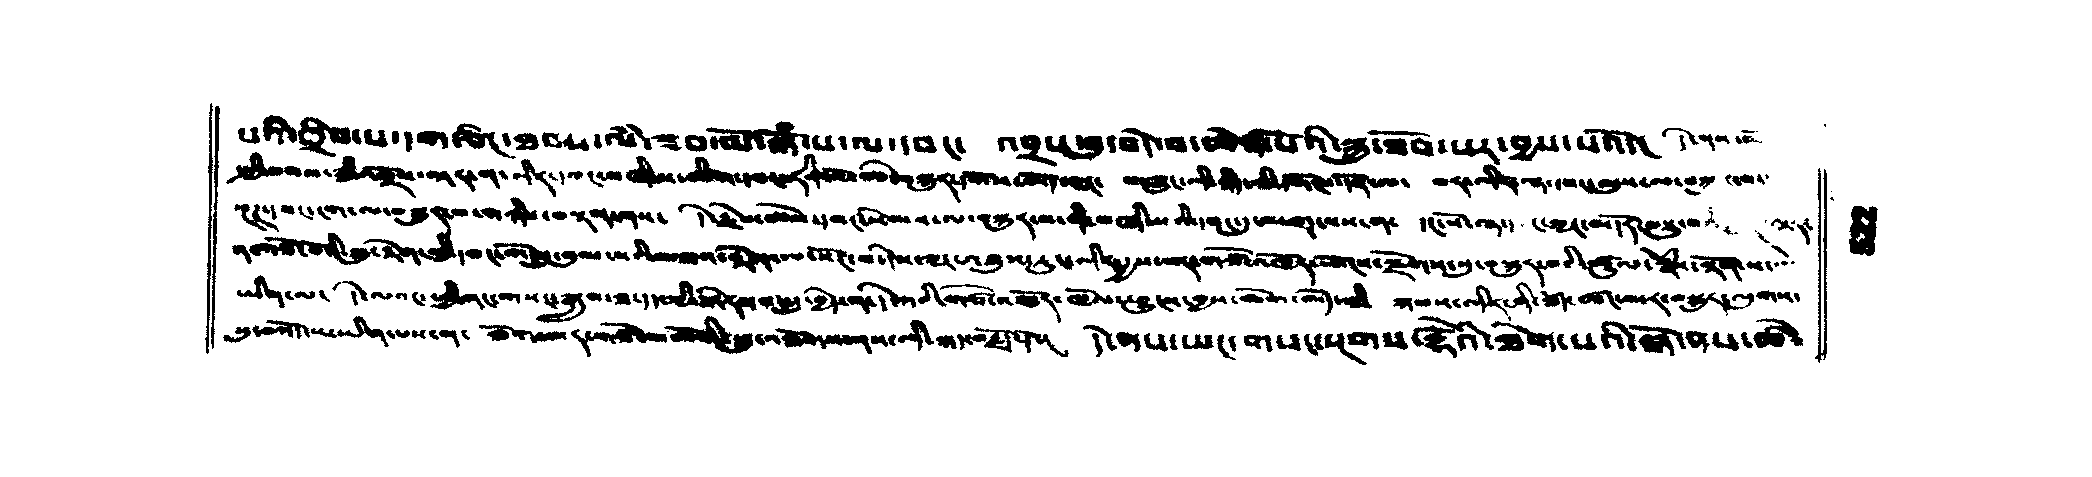པའི་སྒྲིབ་པ་དག་ཅིང་ཐབས་ལམ་ཟབ་མོ་སྒོམ་པ་ལ་དབང་། འབྲས་བུ་བདེ་བ་ཆེན་པོའི་སྐུ་ཐོབ་པར་བྱེད་པའོ། དེ་ནས་ཆོ་ག་
སྤྱི་བབས་ཀྱི་འགྲོས་ལྟར་ན། འདིར་དབང་བཞི་པ་ཚིག་དབང་རིན་པོ་ཆེ་བསྐུར་དགོས་མོད་ཀྱང་། གཞུང་འདི་ཉིད་ཀྱི་དགོངས་དོན་ལ། བར་འདིར་ལྷ་དབང་ལུས་ལ་བསྐུར་བ། 
སྔགས་དབང་ངག་ལ་བསྐུར་བ་གཉིས་བསྟན་ནས། དེ་རྗེས་ཆོས་དབང་སེམས་ལ་བསྐུར་བ་ནི་བཞི་པའི་དབང་དུ་མཛད་པས་ན། དང་པོ་ལྷ་དབང་ཀྱང་མདོར་བསྡུ་བའི་ལུགས་ལྟར་
ན་གཙོ་བོའི་སྐུ་རྟེན་གྱི་དབང་གོང་དུ་བུམ་པའི་མཐའ་རྟེན་ལ་སོགས་བ་དེས་ཀྱང་འཐུས་རུང་འདིར་རྒྱས་པར་གཙོ་འཁོར་ཡོངས་རྫོགས་སུ་བསྐུར་བའི་ཚུལ་རྣམས་སྟོན་པ་
ཡིན་ལ། དེ་ལའང་ཕྱི་ནང་གསང་སྒྲུབ་ཐ་དད་ཀྱི་སྒེར་དབང་དུ་བྱེད་ན་དེ་ཀའི་གཙོ་འཁོར་ཁོལ་ཕྱུངས་བྱས་ཆོག་མོད་ཀྱི། སྐབས་འདིར་ཐམས་ཅད་ཚང་མར་བསྐུར་ལུགས་
སུ་བཀོད་པ་ཡིན་པས་ན། ཐོག་མར་གཙོ་མཆོག་གི་སྐུ་ཐོགས་ནས་འདི་སྐད་བརྗོད་དོ། དེ་ནས་ཡང་གསང་སྔགས་རྡོ་རྗེའི་ཐེག་པའི་སྒོ་ནས་ཚེ་